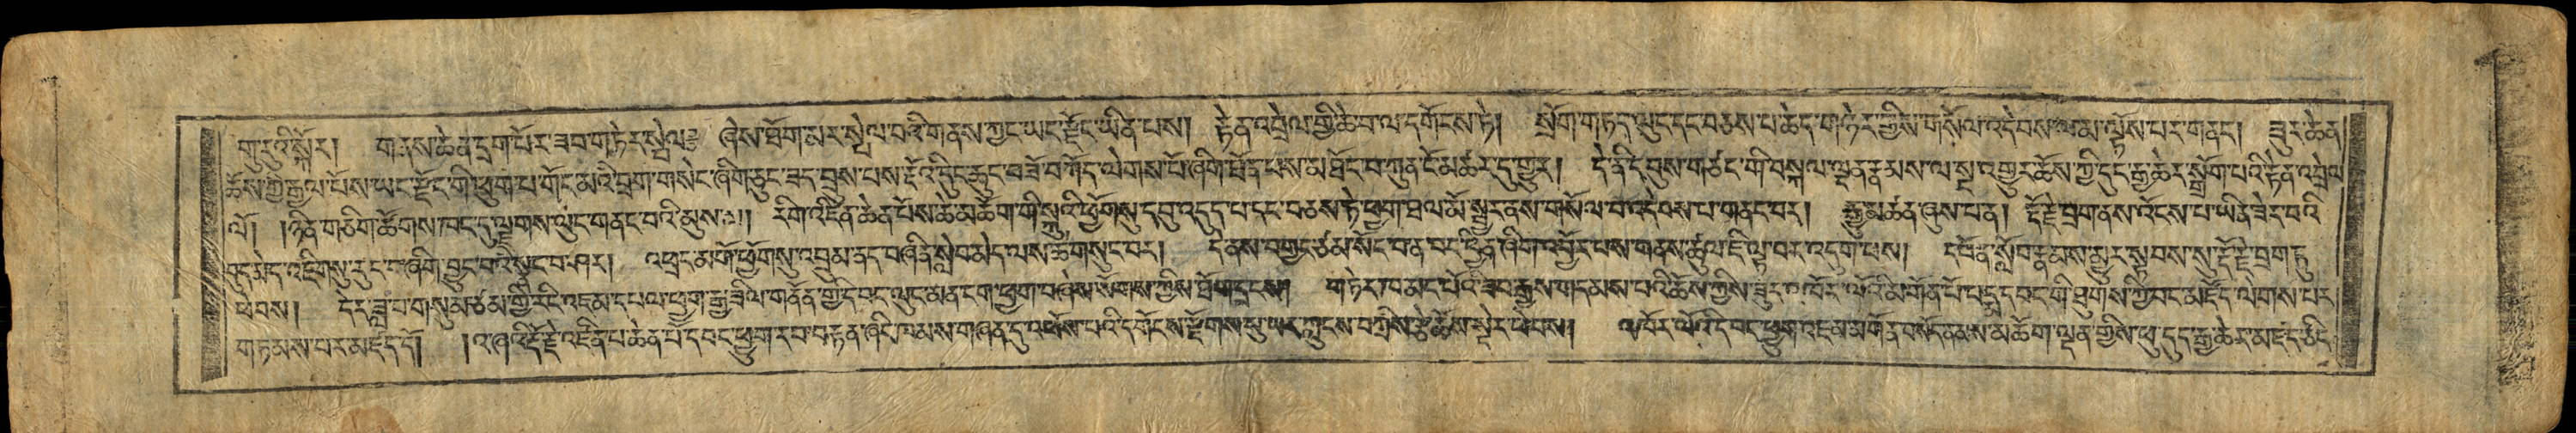གུ་རུའི་སྐོར། གནས་ཆེན་དྲག་བོར་ཟབ་གཏེར་སྤེལཿ་ཞས་ཐོག་མར་སྤལ་བའི་གནས་ཀྱང་ཡང་རྫོང་ཡིན་པས། རྟེན་འབྲེལ་གྱི་ཆེ་བ་ལ་དགོངས་ཏེ། སྲོག་གཏད་ལུང་དང་བཅས་པ་ཆེད་གཉེར་ཕྱིས་གསོལ་འདེབས་ལ་མ་ལྟོས་པར་གནང་། ཟུར་ཆེན་
ཆོས་ཀྱི་རྒྱལ་པོས་ཡང་རྫོང་གི་ཕུག་པ་གོང་མའི་བྲག་གསེང་ཞིག་ཅུང་ཟད་བྲུས་པས་རྡོའི་དུང་ཆུང་བཟོ་བཀོད་ལེགས་པོ་ཞིག་ཐོན་པས་མཐོང་བ་ཀུན་ངོ་མཚར་དུ་གྱུར། དེ་ནི་དབུས་གཙང་གི་བསྐལ་ལྡན་རྣམས་ལ་སྔ་འགྱུར་ཆོས་ཀྱི་དུང་རྒྱ་ཆེར་སྒྲོག་པའི་རྟེན་འབྲེལ་
ལོ། །ཉིན་གཅིག་ཚོགས་ཁང་དུ་ལྗགས་ལུང་གནང་བའི་མུས་ལ། རིག་འཛིན་ཆེན་པོས་ཆེ་མཆོག་གི་སྐུའི་ཕྱོགས་སུ་དབུ་འདུད་པ་དང་བཅས་ཏེ་ཕྱག་ཐལ་མོ་སྦྱར་ནས་གསོལ་བ་འདེབས་པ་གནང་བར། རྒྱུ་མཚན་ཞུས་པ་ན། རྡོ་རྗེ་བྲག་ནས་འོངས་པ་ཡིན་ཟེར་བའི་
བུད་མེད་འཇགས་སུ་རུང་བ་ཞིག་བྱུང་བའི་སྣང་བ་ཤར། འཕྲད་མགོ་ཕྱོགས་སུ་འབྲུམ་ནད་བཞིན་སླེབ་མེད་ལས་ཆེ་གསུང་བར། དེ་ནས་བགྱང་ཙམ་སོང་བ་ན་བང་ཕྱིན་ཞིག་འབྱོར་པས་གནས་ཚུལ་ཇི་ལྟ་བར་འདུག་པས། དཔོན་སློབ་རྣམས་མྱུར་སྟབས་སུ་རྡོ་རྗེ་བྲག་ཏུ་
ཕེབས། དེར་ཟླ་བ་གསུམ་ཙམ་གྱི་རིང་འཇམ་དཔལ་ཕྱག་རྒྱ་ཟིལ་གནོན་གྱི་དབང་ལུང་མན་ངག་ཕྱག་བཞེས་སོགས་ཀྱིས་ཐོག་དྲངས། གཏེར་ཁ་མང་པོའི་ཟབ་རྒྱས་གདམས་པའི་ཆོས་ཀྱིས་ཟུར་འཁོར་ལོའི་མགོན་པོ་པདམ་དབང་གི་ཐུགས་ཀྱི་བང་མཛོད་ལེགས་པར་
པ་ཏམས་པར་མཛད་དོ། །འ་ཞའི་རྡོ་རྗེ་འཛིན་པ་ཆེན་པོ་དབང་ཕྱུག་རབ་བརྟན་ཞིང་ཁམས་གཞན་དུ་འཕོས་པའི་དགོངས་རྫོགས་སུ་ཡར་ཀླུངས་བཀྲིས་རྩེ་ཆོས་སྡེར་ཕེབས། འཁོར་ལོའི་དབང་ཕྱུག་འཇམ་མགོན་བསོད་ནམས་མཆོག་ལྡན་གྱིས་ཕུ་དུད་རྒྱ་ཆེར་མཛད་ཅིང་